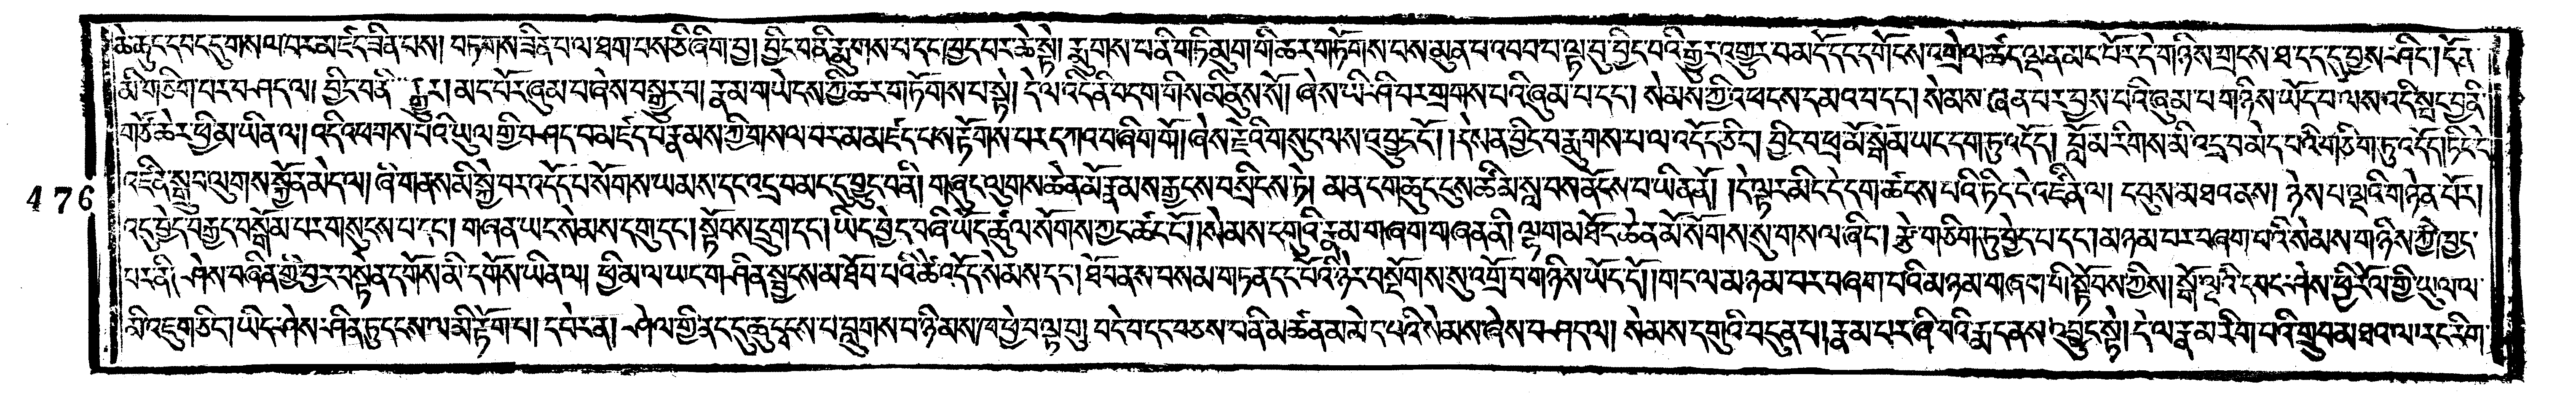ཆེ་ཆུང་དབང་དུ་གསལ་བར་མཛད་ཟིན་པས། བཏགས་ཟིན་པ་ལ་ཐག་པས་ཅི་ཞིག་བྱ། བྱིང་བ་ནི་རྨུགས་ཕ་དང་ཁྱད་པར་ཆེ་སྟེ། རྨུགས་པ་ནི་གཏི་མུག་གི་ཆར་གཏོགས་པས་མུན་པ་འབབ་བ་ལྟ་བུ་བྱིང་བའི་རྒྱུར་འགྱུར་བ་མདོ་དང་དགོངས་འགྲེལ་ཚད་ལྡན་མང་པོར་དེ་གཉིས་གྲངས་ཐ་དད་དུ་བྱས་ཤིང་། དོན་
མི་གཅིག་བར་བཤད་ལ། བྱིང་བ་ནི་རྒྱུར། མང་པོར་ཞུམ་བ་ཞེས་བསྒྱུར་བ། རྣམ་གཡེངས་ཀྱི་ཆར་གཏོགས་པ་སྟེ། དེ་ལ་འདི་ནི་བདག་གིས་མི་ནུས་སོ། ཞེས་ཡི་ཤི་བར་གྲགས་པའི་ཞུམ་པ་དང་། སེམས་ཀྱི་འཕངས་དམའ་བ་དང་། སེམས་ཞན་བར་བྱས་པའི་ཞུམ་པ་གཉིས་ཡོད་བ་ལས་འདི་སྤང་བྱེད་
གཙོ་ཆེར་ཕྱི་མ་ཡིན་ལ། འདི་འཕགས་པའི་ཡུལ་གྱི་བཤད་བ་མཛད་པ་རྣམས་ཀྱི་གསལ་བར་མ་མཛད་པས་རྟོགས་བར་དཀའ་བ་ཞིག་གོ། ཞེས་རྗེའི་གསུང་ལས་འབྱུང་ངོ། །དེས་ན་བྱིང་བ་རྨུགས་པ་ལ་འདོད་ཅིང་། བྱིང་བ་ཕྲ་མོ་སྒོམ་ཡང་དག་ཏུ་འདོད། བློ་མ་རིགས་མི་འདྲ་བ་མེད་པའི་གཅིག་ཏུ་འདོད། ཏིང་ངེ་
འཛིན་སྒྲུབ་ལུགས་སྐྱོན་མེད་ལ། ཞི་གནས་མི་སྐྱེ་བར་འདོད་པ་སོགས་ཡམས་དང་འདྲ་བ་མང་དུ་བྱུང་བ་ནི། གཞུང་ལུགས་ཆེན་མོ་རྣམས་རྒྱངས་བསྲིངས་ཏེ། མན་ངག་ཆུང་དུས་ཚིམ་སླ་བས་ནོངས་བ་ཡིན་ནོ། །དེ་ལྟར་མིང་དེ་དག་ཚངས་པའི་ཏིང་ངེ་འཛིན་ལ། དབུས་མཐའ་ནས། ཉེས་པ་ལྔའི་གཉེན་པོར།
འདུ་བྱེད་བརྒྱད་བསྒོམ་པར་གསུངས་པ་དང་། གཞན་ཡང་སེམས་དགུ་དང་། སྟོབས་དྲུག་དང་། ཡིད་བྱེད་བཞི་ཡོད་ཚུལ་སོགས་ཀྱང་ཚང་ངོ། །སེམས་དགུའི་རྣམ་གཞག་གཞན་ནི། ལྷག་མཐོང་ཆེན་མོ་སོགས་སུ་གསལ་ཞིང་། རྩེ་གཅིག་ཏུ་བྱེད་པ་དང་། མཉམ་བར་བཞག་པའི་སེམས་གཉིས་ཀྱི་ཁྱད་
པར་ནི༑ ཤེས་བཞིན་གྱི་བྱར་བསྟེན་དགོས་མི་དགོས་ཡིན་ལ། ཕྱི་མ་ལ་ཡང་གཤིན་སྦྱངས་མ་ཐོབ་པའི་ཚེ་འདོད་སེམས་དང་། ཐོབ་ནས་བསམ་གཏན་དང་བོའི་ཉེར་བསྔོགས་སུ་འགྲོ་བ་གཉིས་ཡོད་དོ། །གང་ལ་མཉམ་པར་བཞག་པའི་མཉམ་གཞག་གི་སྟོབས་ཀྱིས། སྒོ་ལྔའི་དབང་ཤེས་ཕྱི་རོལ་གྱི་ཡུལ་ལ་
མི་འཇུག་ཅིང་། ཡིད་ཤེས་ཤིན་ཏུ་དངས་ལ་མི་རྟོག་པ། དཔེར་ན། ཤེལ་གྱི་ནང་དུ་ཆུ་དྭངས་པ་བླུགས་པ་ཉི་མས་ཁ་ཕྱེ་བ་ལྟ་བུ། བདེ་བ་དང་བཅས་པ་ནི་མཚན་མ་མེད་པའི་སེམས་ཞེས་བཤད་ལ། སེམས་དགུའི་བདུན་པ། རྣམ་པར་ཞི་བའི་རྨད་ནས་འབྱུང་སྟེ། དེ་ལ་རྣམ་རིག་པའི་གྲུབ་མཐའ་ལ། རང་རིག་